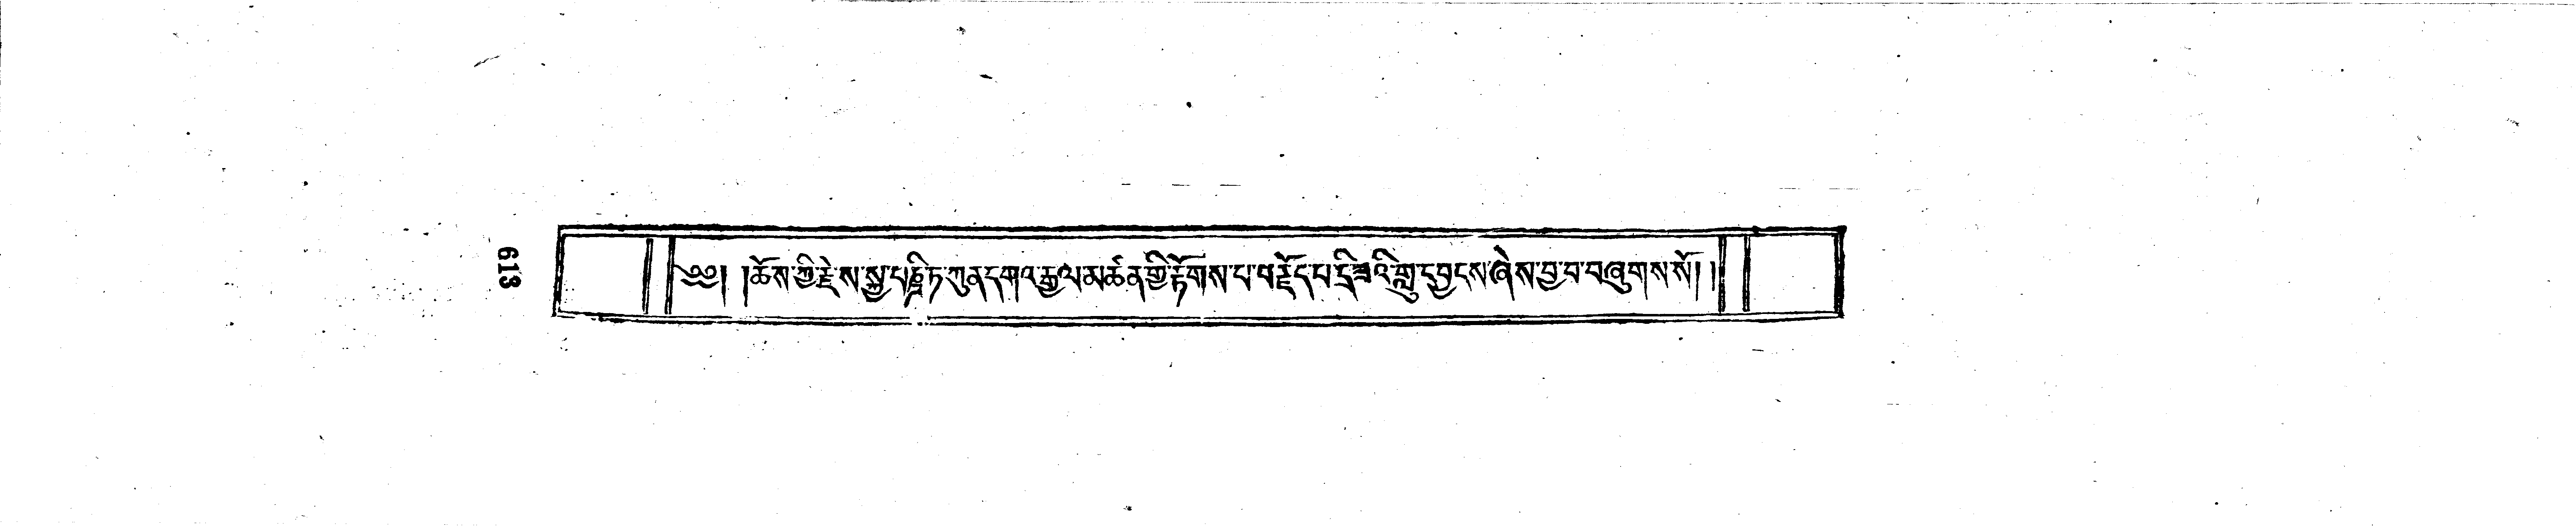༄༅། །ཆོས་ཀྱི་རྗེ་ས་སྐྱ་པཎྚི་ཏ་ཀུན་དགའ་རྒྱལ་མཚན་གྱི་རྟོགས་པ་བརྗོད་པ་དྲི་ཟའི་གླུ་དབྱངས་ཞེས་བྱ་བ་བཞུགས་སོ། །